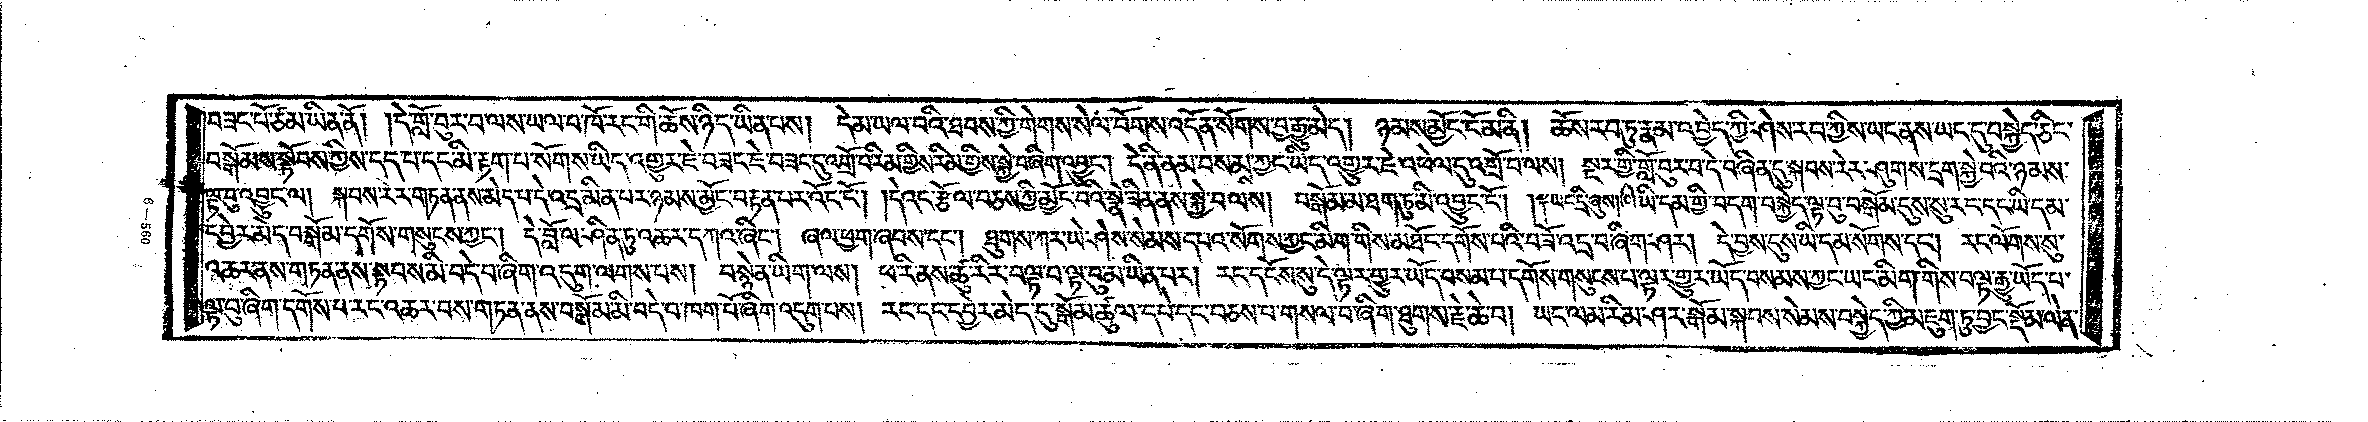བཟང་པོ་ཙམ་ཡིན་ནོ། །དེ་གློ་བུར་བ་ལས་ཡལ་བ་ཁོ་རང་གི་ཆོས་ཉིད་ཡིན་པས། དེ་མ་ཡལ་བའི་ཐབས་ཀྱི་གེགས་སེལ་བོགས་འདོན་སོགས་བྱ་རྒྱུ་མེད། ཉམས་མྱོང་ངོ་མ་ནི། ཆོས་རབ་ཏུ་རྣམ་འབྱེད་ཀྱི་ཤེས་རབ་ཀྱིས་ཡང་ནས་ཡང་དུ་བསྐྱེད་ཅིང་
བསྒོམས་སྟོབས་ཀྱིས་དད་པ་དང་མི་རྟག་པ་སོགས་ཡིད་འགྱུར་ཇེ་བཟང་ཇེ་བཟང་དུ་འགྲོ་བ་རིམ་གྱིས་རིམ་གྱིས་སྐྱེ་བ་ཞིག་འབྱུང་། དེ་ནི་ནམ་བསམས་ཀྱང་ཡིད་འགྱུར་ཇེ་འཕེལ་དུ་འགྲོ་བ་ལས། སྔར་གྱི་གློ་བུར་བ་དེ་བཞིན་དུ་སྐབས་རེར་ཤུགས་དྲག་སྐྱེ་བའི་ཉམས་
ལྟ་བུ་འབྱུང་ལ། སྐབས་རེར་གཏན་ནས་མེད་པ་དེ་འདྲ་མིན་པར་ཉམས་མྱོང་བརྟན་པར་འོང་ངོ། །དེའང་རྩོལ་བཅས་ཀྱི་མྱོང་བའི་སྣེ་ཟིན་ནས་སྐྱེ་བ་ལས། བསྒོམ་མ་ཐག་ཏུ་མི་འབྱུང་ངོ། །༈ ཡང་དྲི་ཞུས།  ༼྾༽ ཡི་དམ་གྱི་བདག་བསྐྱེད་ལྟ་བུ་བསྒོམ་དུས་སུ་རང་དང་ཡི་དམ་
དབྱེར་མེད་བསྒོམ་དགོས་གསུངས་ཀྱང་། དེ་བློ་ལ་ཤིན་ཏུ་འཆར་དཀའ་ཞིང་། ཞལ་ཕྱག་ཞབས་དང་། ཐུགས་ཀར་ཡེ་ཤེས་སེམས་དཔའ་སོགས་ཀྱང་མིག་གིས་མཐོང་དགོས་པའི་བཟོ་འདྲ་བ་ཞིག་ཤར། དེ་བྱས་དུས་ཡི་དམ་སོགས་དང་། རང་ལོགས་སུ་
འཆར་ནས་གཏན་ནས་སྟབས་མི་བདེ་བ་ཞིག་འདུག་ལགས་པས། བསྙེན་ཡིག་ལས། ཕ་རི་ནས་ཚུ་རིར་བལྟ་བ་ལྟ་བུ་མ་ཡིན་པར། རང་དངོས་སུ་དེ་ལྟར་གྱུར་ཡོད་བསམ་པ་དགོས་གསུངས་པ་ལྟར་གྱུར་ཡོད་བསམ་ཀྱང་ཡང་མིག་གིས་བལྟ་རྒྱུ་ཡོད་པ་
ལྟ་བུ་ཞིག་དགོས་པ་རང་འཆར་བས་གཏན་ནས་བསྒོམ་མི་བདེ་བ་ཁག་པོ་ཞིག་འདུག་པས། རང་དང་དབྱེར་མེད་དུ་སྒོམ་ཚུལ་དཔེ་དང་བཅས་པ་གསལ་བ་ཞིག་ཐུགས་རྗེ་ཆེ་བ། ཡང་ལམ་རིམ་ཤར་སྒོམ་སྐབས་སེམས་བསྐྱེད་ཀྱི་མཇུག་ཏུ་བྱང་སྡོམ་ལེན་